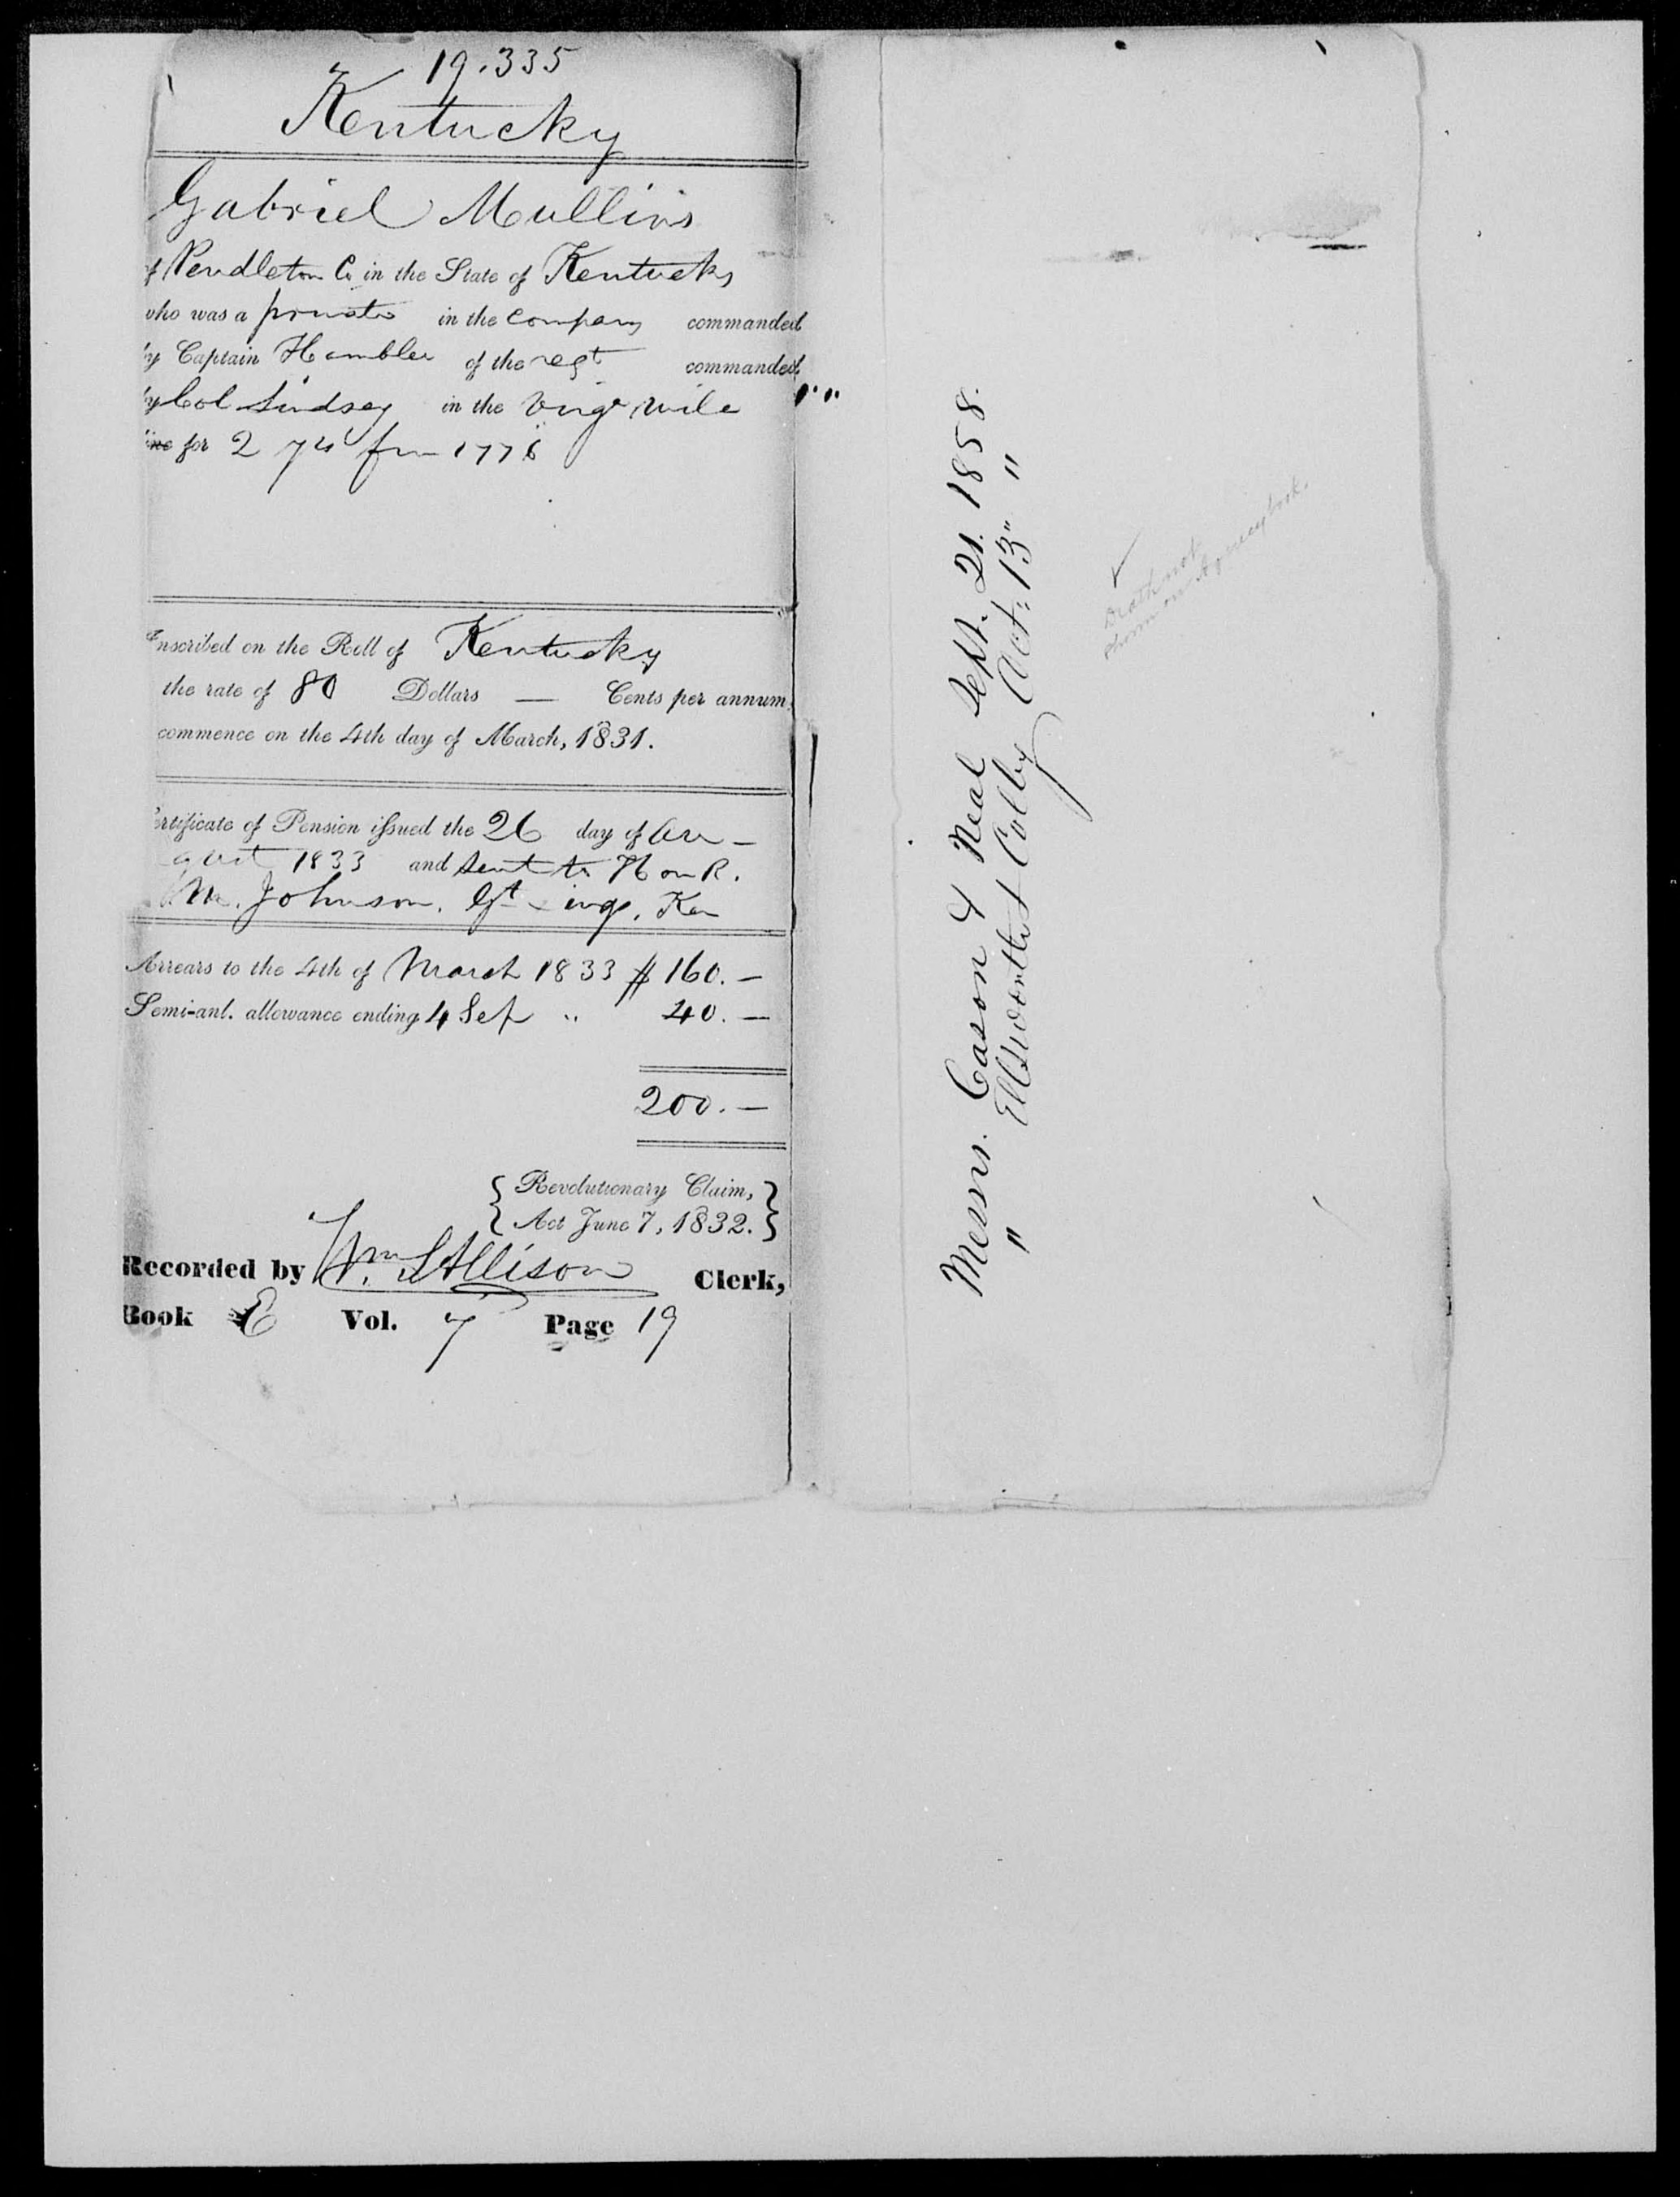19.335
Kentucky
Gabriel Mullins
Pendleton Co in the State of Kentucky
who was a private in the company commanded
by Captain Hambler of the regt commanded
by Col Lindsey in the Virginia
line for 2 yrs from 1778
---
Inscribed on the Roll of Kentucky
at the rate of 80 Dollars - Cents per annum
to commence on the 4th day of March, 1831.
---
Certificate of Pension issued the 26 day of August , 1833 and sent to Hon R.
M. Johnson G King, Ken
---
Arrears to the 4th of March 1833 $160.-
Semi-anl. allowance ending 4 Sep " 40.-
                                                        200. -

⎨ Revolutionary Claim,
Act June 7, 1832.}
Recorded by Wm L Allison Clerk,
Book E   Vol 7   Page 19

Messrs. Cason & Neal Sept. 21. 1858
   "   Ellsworth & Colby Oct 13   "

[in pencil:] Death not [illegible] on Agency book.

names: Wm S Allison; R M Johnson; [BLANK] Hambler; [BLANK] Lindsey; [BLANK] Colby; [BLANK] Neal; [BLANK] Ellsworth; Gabriel Mullins; [BLANK] Cason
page: 2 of 34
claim: survivor's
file: S. 30608, for Gabrel Mullins, Virginia